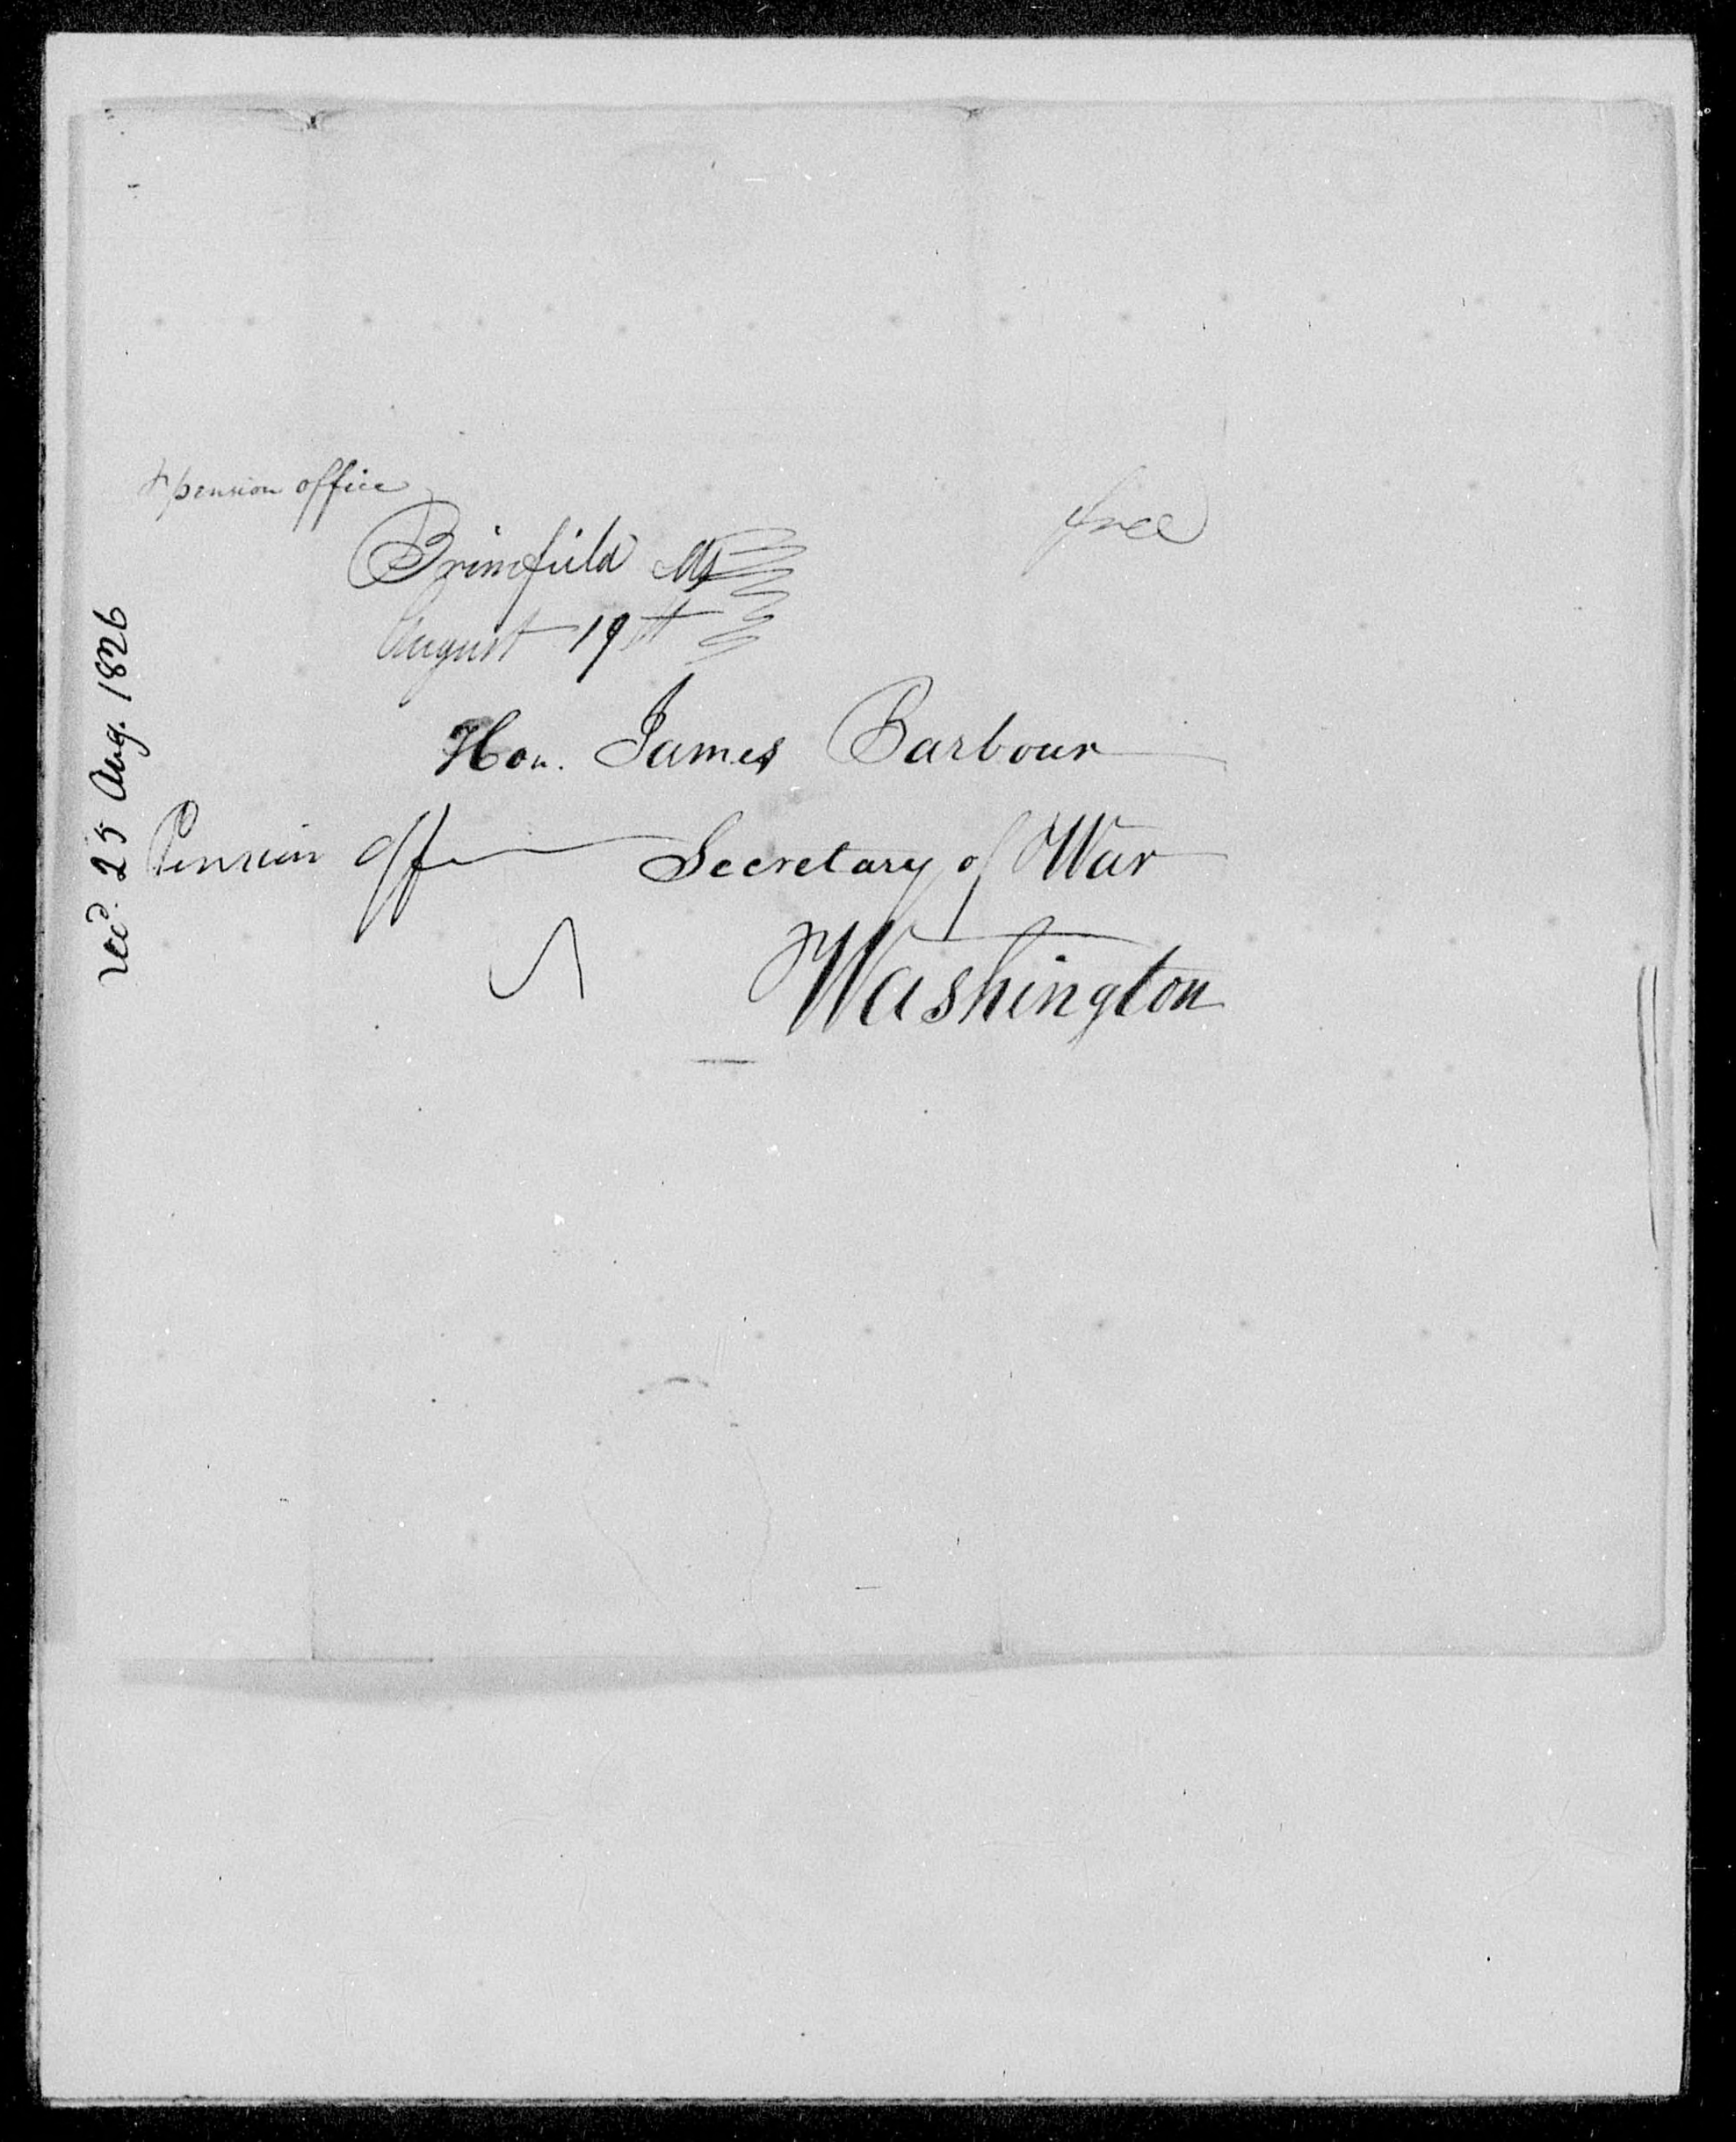Aug. 25 1826

Pension office
Brimfield Mass
August 19

Hon. James Barbour

Pension Office  Secretary of War
Washington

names: James Barbour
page: 24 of 31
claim: survivor's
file: S. 34,839, Thomas Fay, Mass.